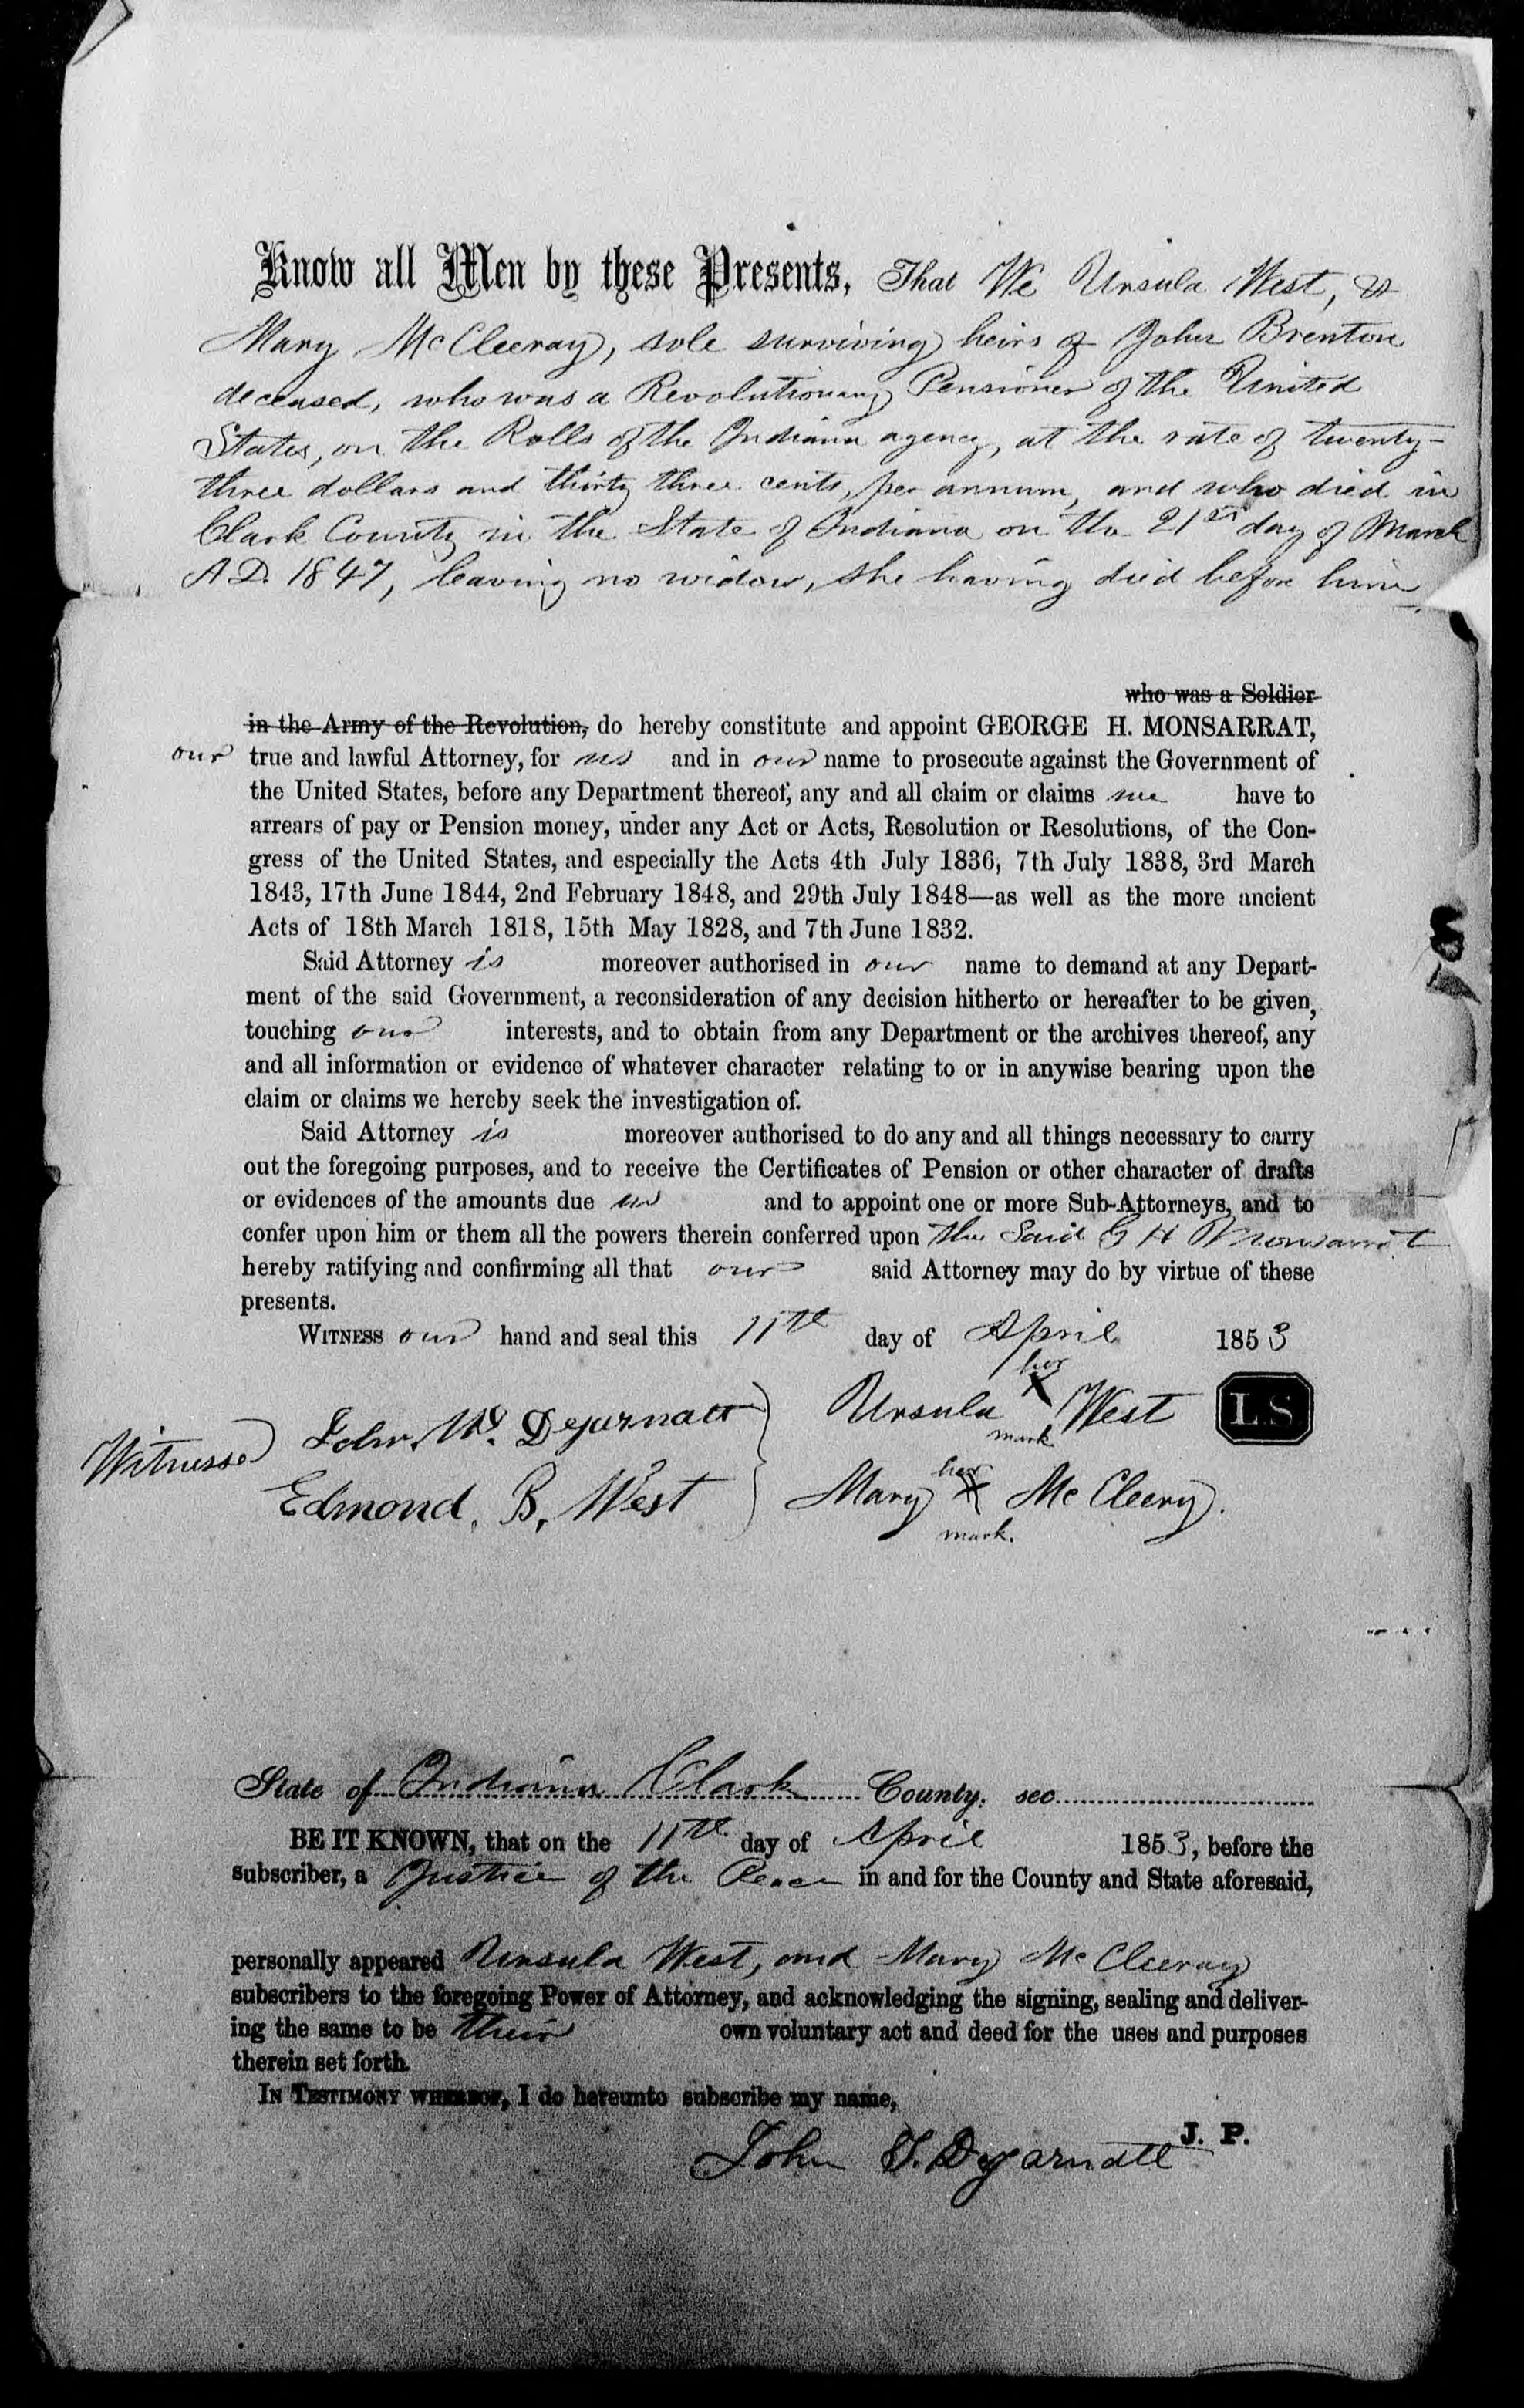Know all Men by these Presents, that we Ursula West and Mary McCleeray, sole surviving heirs of John Brenton, deceased, who was a Revolutionary Pensioner of the United States, on the Rolls of the Indiana agency, at the rate of twenty-three dollars and thirty three cents per annum, and who died in Clark County in the State of Indiana on the 21st day of March A. D. 1847, leaving no widow, she having died before him 
do hereby constitute and appoint George H. Monsarrat, our true and lawful Attorney, for us and in our name to prosecute against the Government of the United States, before any Department thereof, any and all claim or claims we have to arrears of pay or Pension money, under any Act or Acts, Resolution or Resolutions, of the Congress of the United States, and especially the Acts 4th July 1836, 7th July 1838, 3rd March 1843, 17th June 1844, 2nd February 1848, and 29th July 1848 -- as well as the more ancient Acts of 18th March 1818, 15th May 1828, and 7th June 1832. 
Said Attorney is moreover authorised [authorized] in our name to demand at any Department of the said Government, a reconsideration of any decision hitherto or hereafter to be given, touching our interests, and to obtain from any Department or the archives thereof, any and all information or evidence of whatever character relating to or in anywise bearing upon the claim or claims we hereby seek the investigation of.
Said Attorney is moreover authorised [authorized] to do any and all things necessary to carry out the foregoing purposes, and to receive the Certificates of Pension or other character of drafts or evidences of the amounts due us and to appoint one or more Sub-Attorneys, and to confer upon him or them all the powers therein conferred upon the said G H Monsarrat hereby ratifying and confirming all that our said Attorney may do by virtue of these presents.
Witness our hand and seal this 11th day of April 1853
Witnesses John T. Dyarnatt
Edmond B. West
Ursula [her mark] West
Mary [her mark] McCleeray

State of Indiana Clark County, sec....
Be it known, that on the 11th day of April 1853, before the subscriber, a Justice of the Peace in and for the County and State aforesaid, personally appeared Ursula West, and Mary McCleeray subscribers to the foregoing Power of Attorney, and acknowledging the signing, sealing and delivering the same to be their own voluntary act and deed for the uses and purposes therein set forth.
In Testimony whereof, I do hereunto subscribe my name, John T. Dyarnatt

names: Mary Mc Cleeray, G H Monsarrat, Mary Mc Cleeray, John Brenton, Edmond B West, Mary Mc Cleery, Ursula West, John T Dyarnatt, George H Monsarrat, John W Dyarnatt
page: 10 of 26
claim: survivor's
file: S. 16059, John Brenton, Penn. Va.